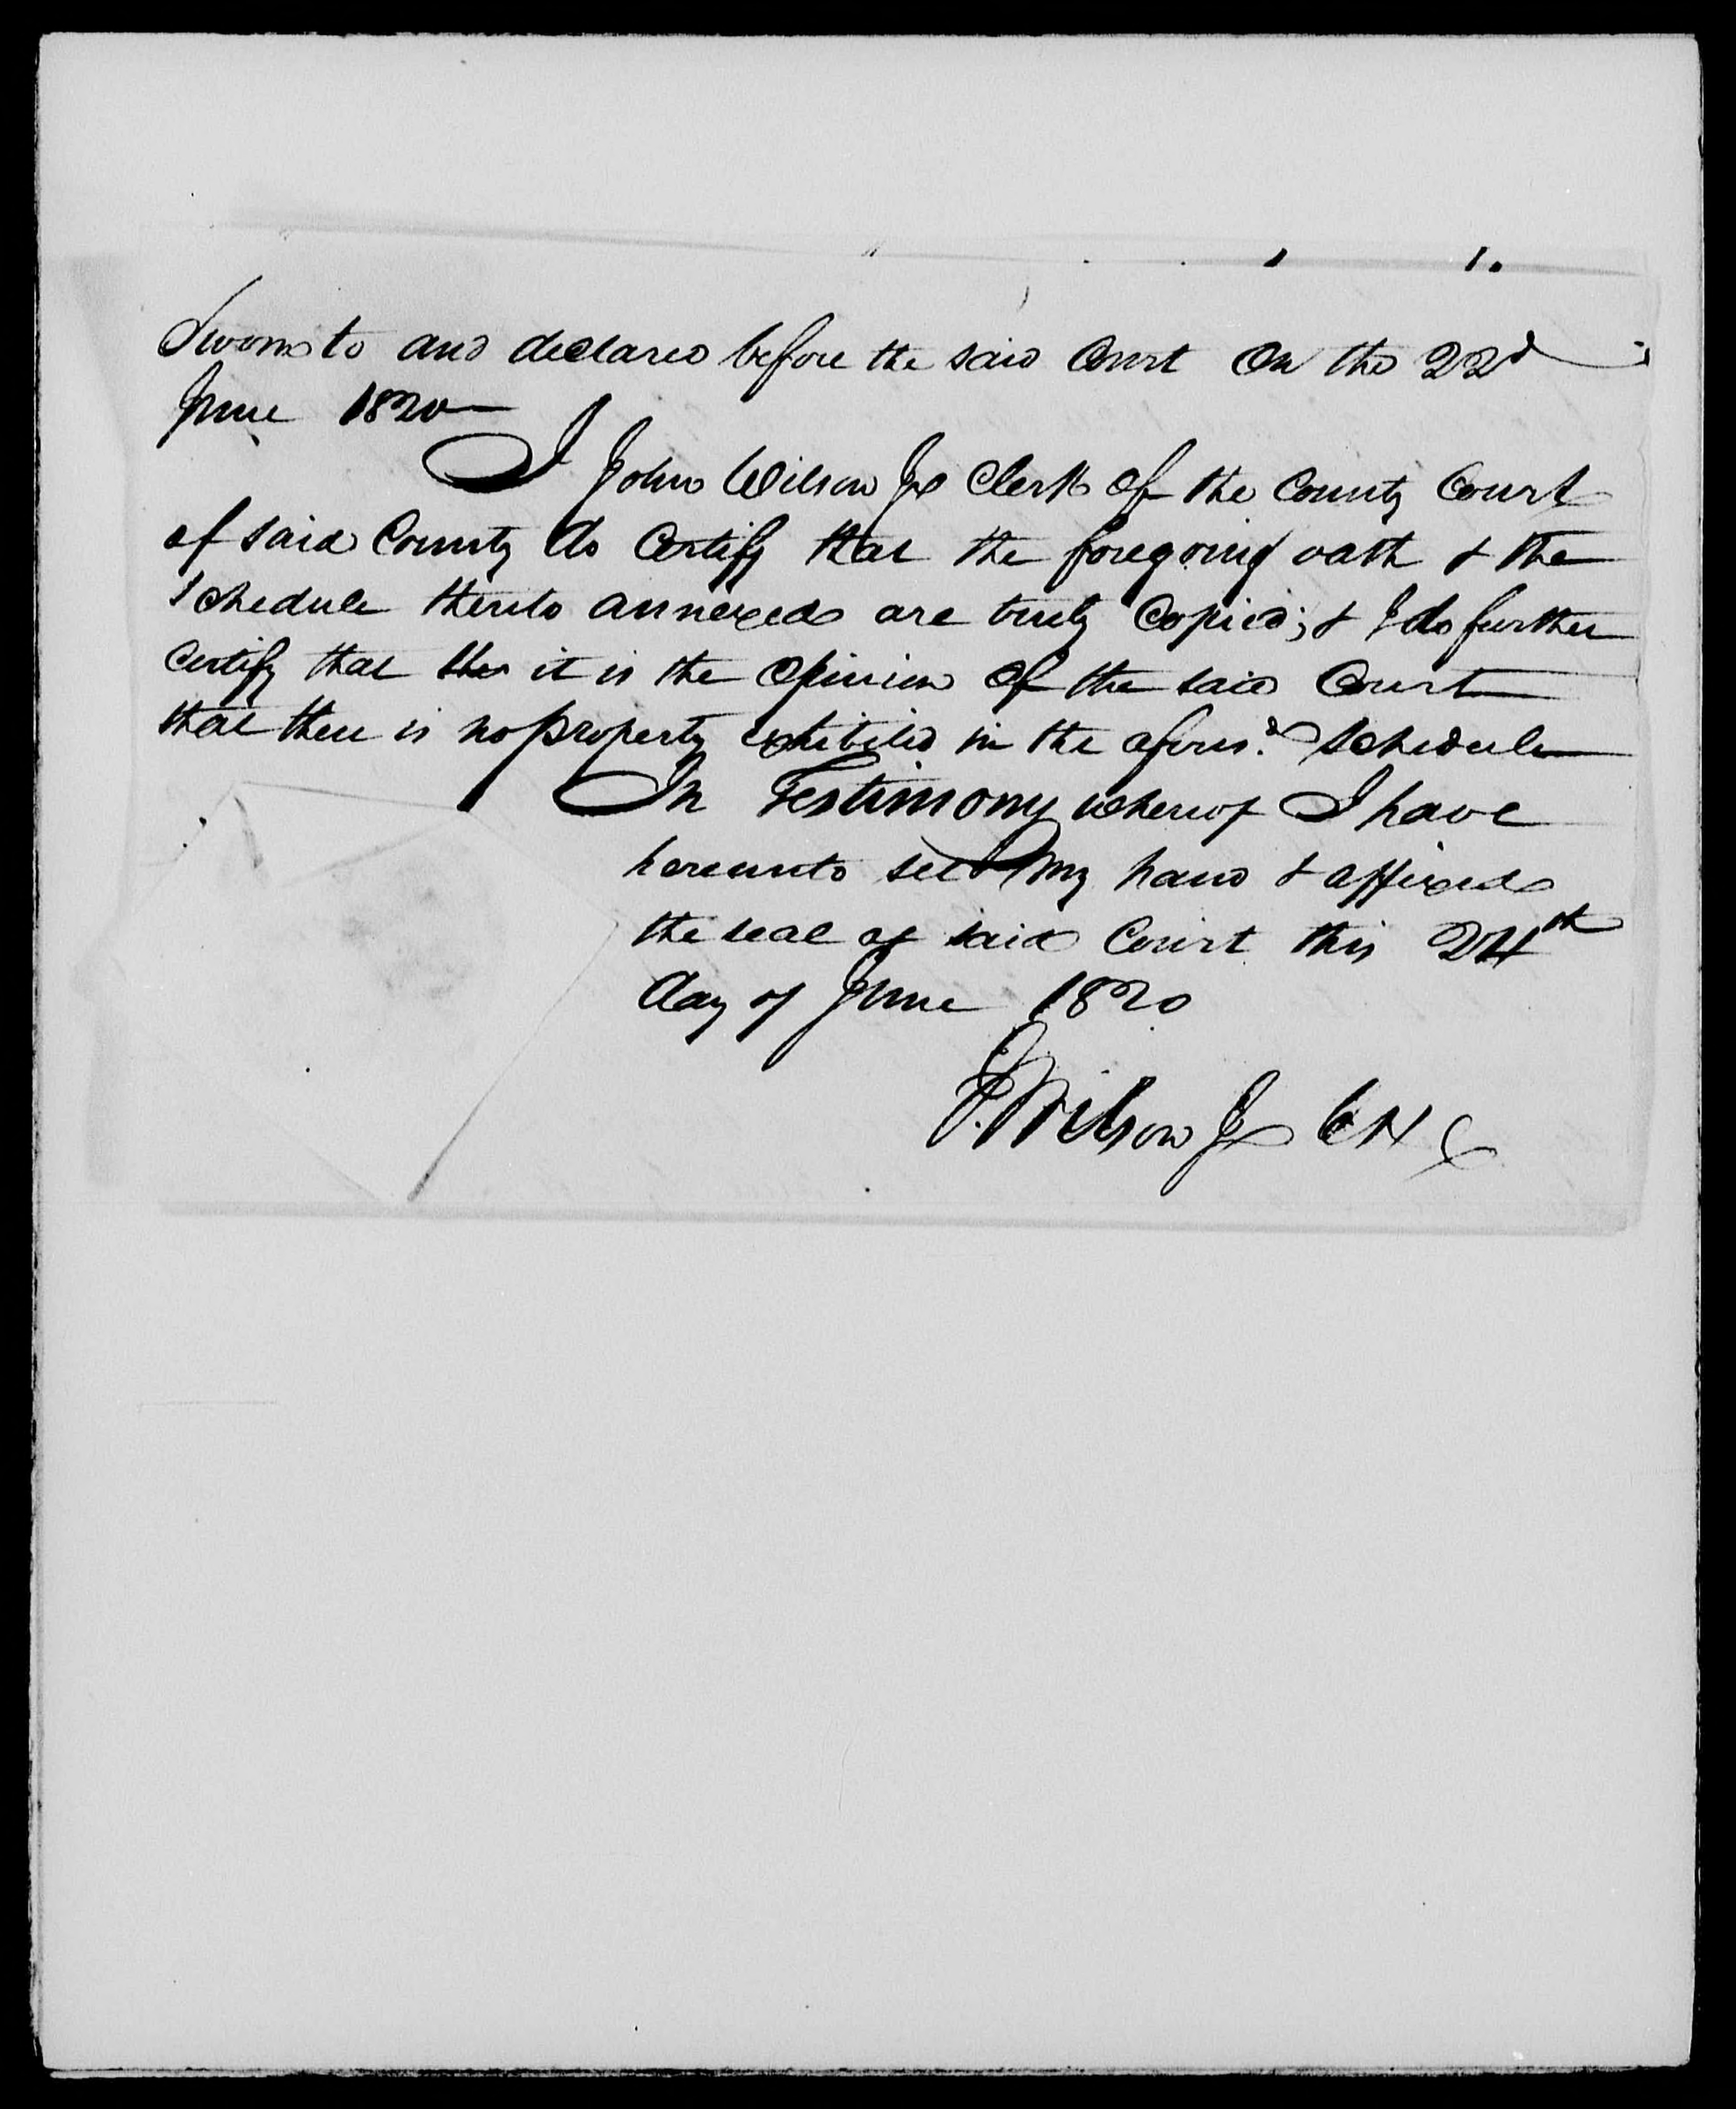Sworn to and declared before the said Court On the 22d 
June 1820
               I John Wilson Jr Clerk of the County Court
of said County do Certify that the foregoing oath & the
schedule thereto annexed are truly Copied; & I do further
Certify that [crossed out-the] it is the Opinion of the said Court
that there is no property exhibited in the aforesd. [aforesaid] Schedule
                                         In Testimony whereof I have
                                         hereunto set my hand & affixed
                                         the seal of said Court this 24th 
                                         day of June 1820
                                              J. Wilson Jr  CHC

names: J Wilson, John Wilson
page: 8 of 11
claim: survivor's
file: S. 39531, Dabney Ford, Va.